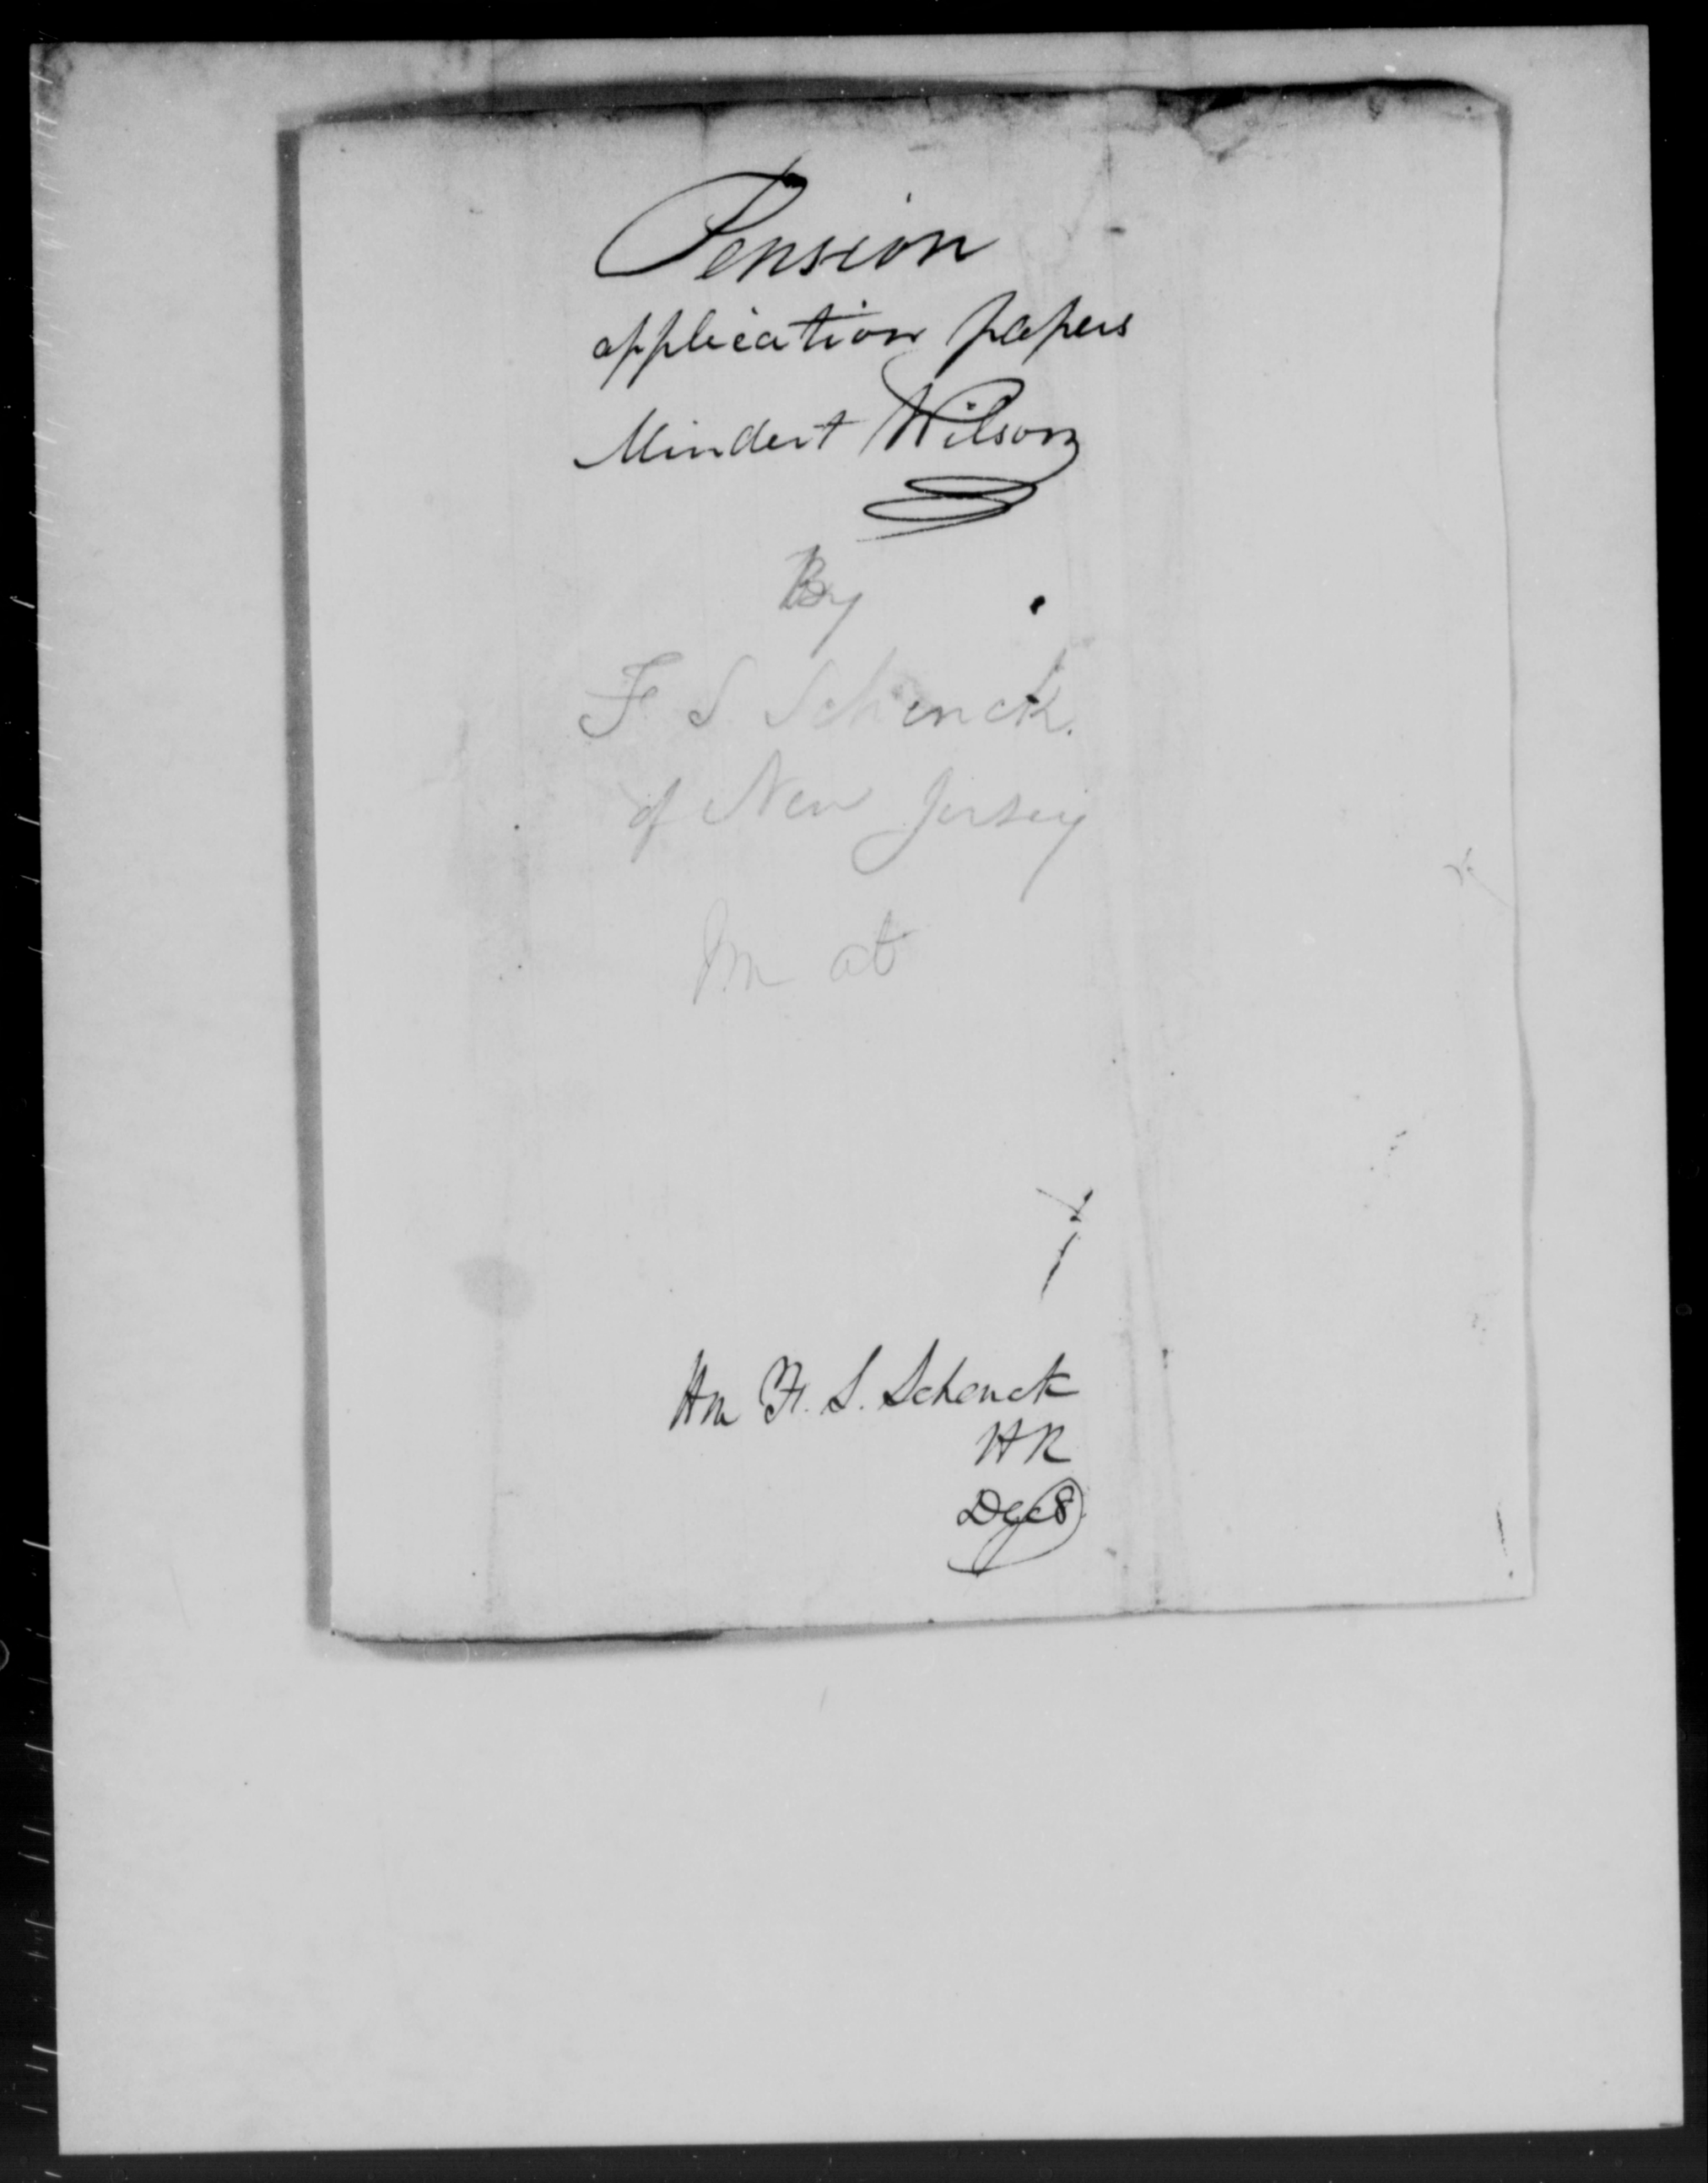Pension application papers Mindert Wilson
By F S Schenck of New Jersey
Jm ab
Hon F. S. Schenck HR Dec 8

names: F S Schenck, Mindert Wilson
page: 19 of 40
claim: survivor's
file: S. 3564, Mindart Wilson, New Jersey